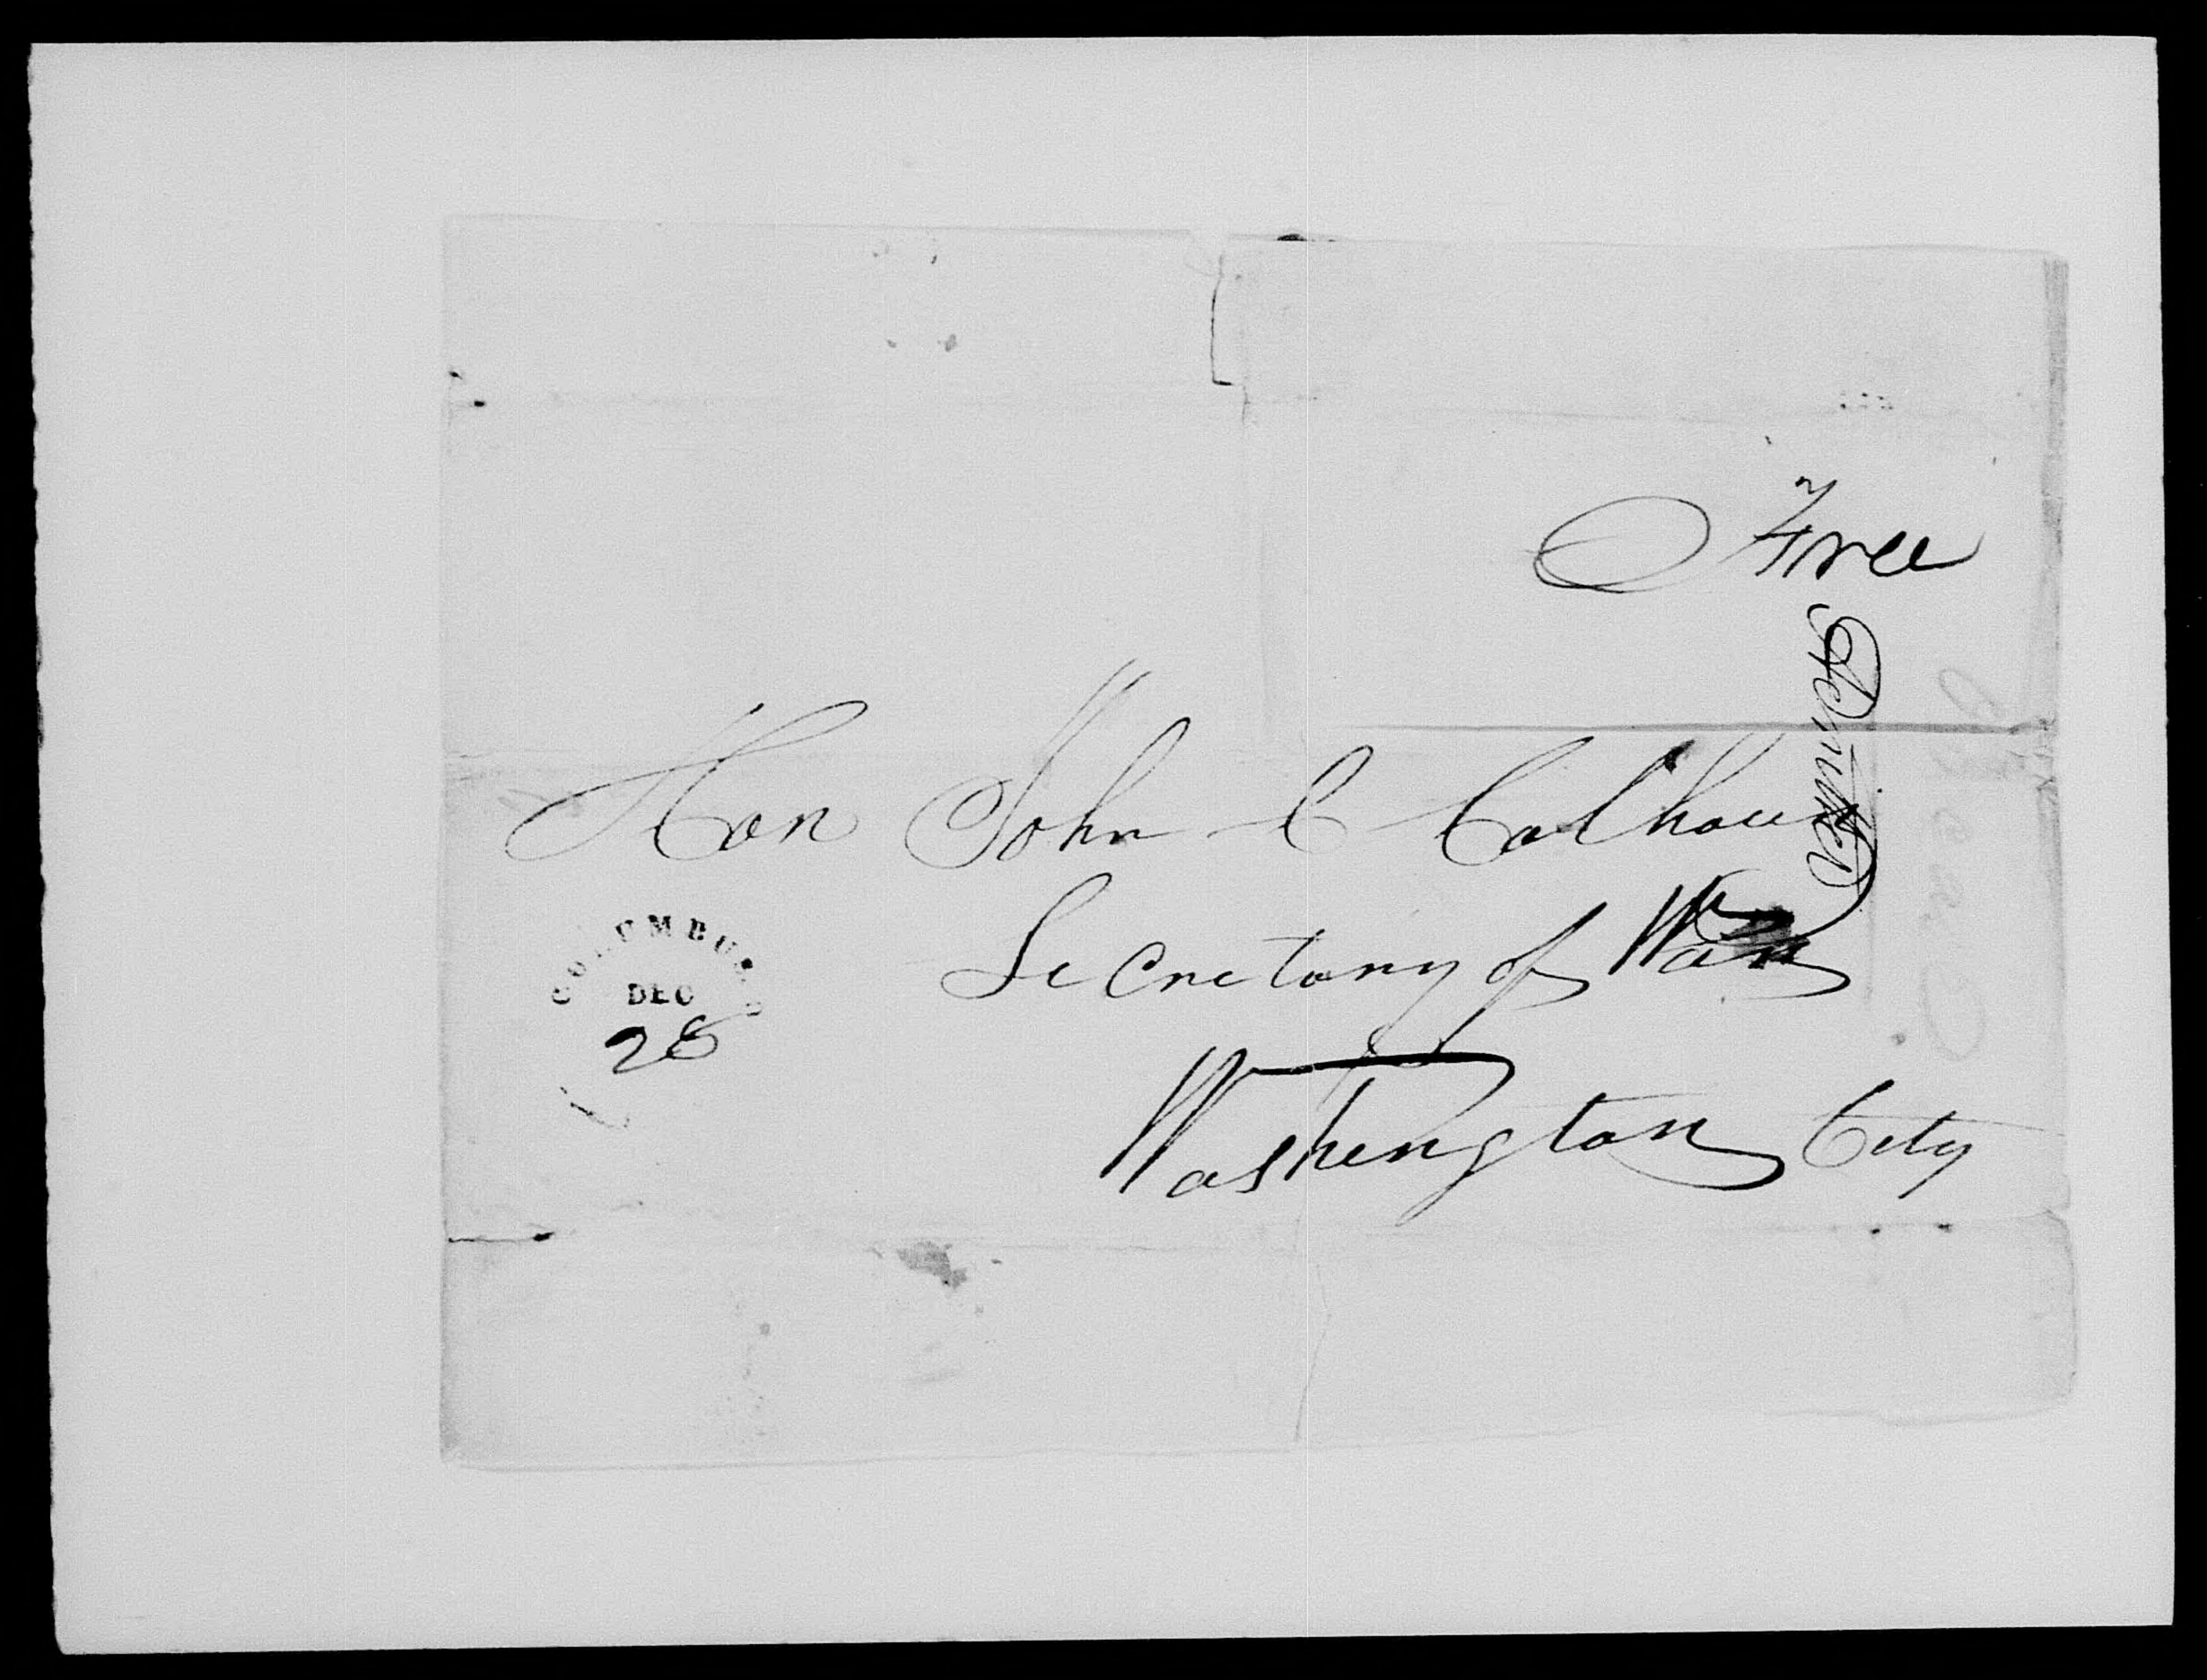Free
Hon John C Calhoun
Secretary of War
Washington City

COLUMBUS 
DEC
28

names: John C Calhoun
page: 21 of 32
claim: survivor's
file: S. 44230, James Curry, Va.